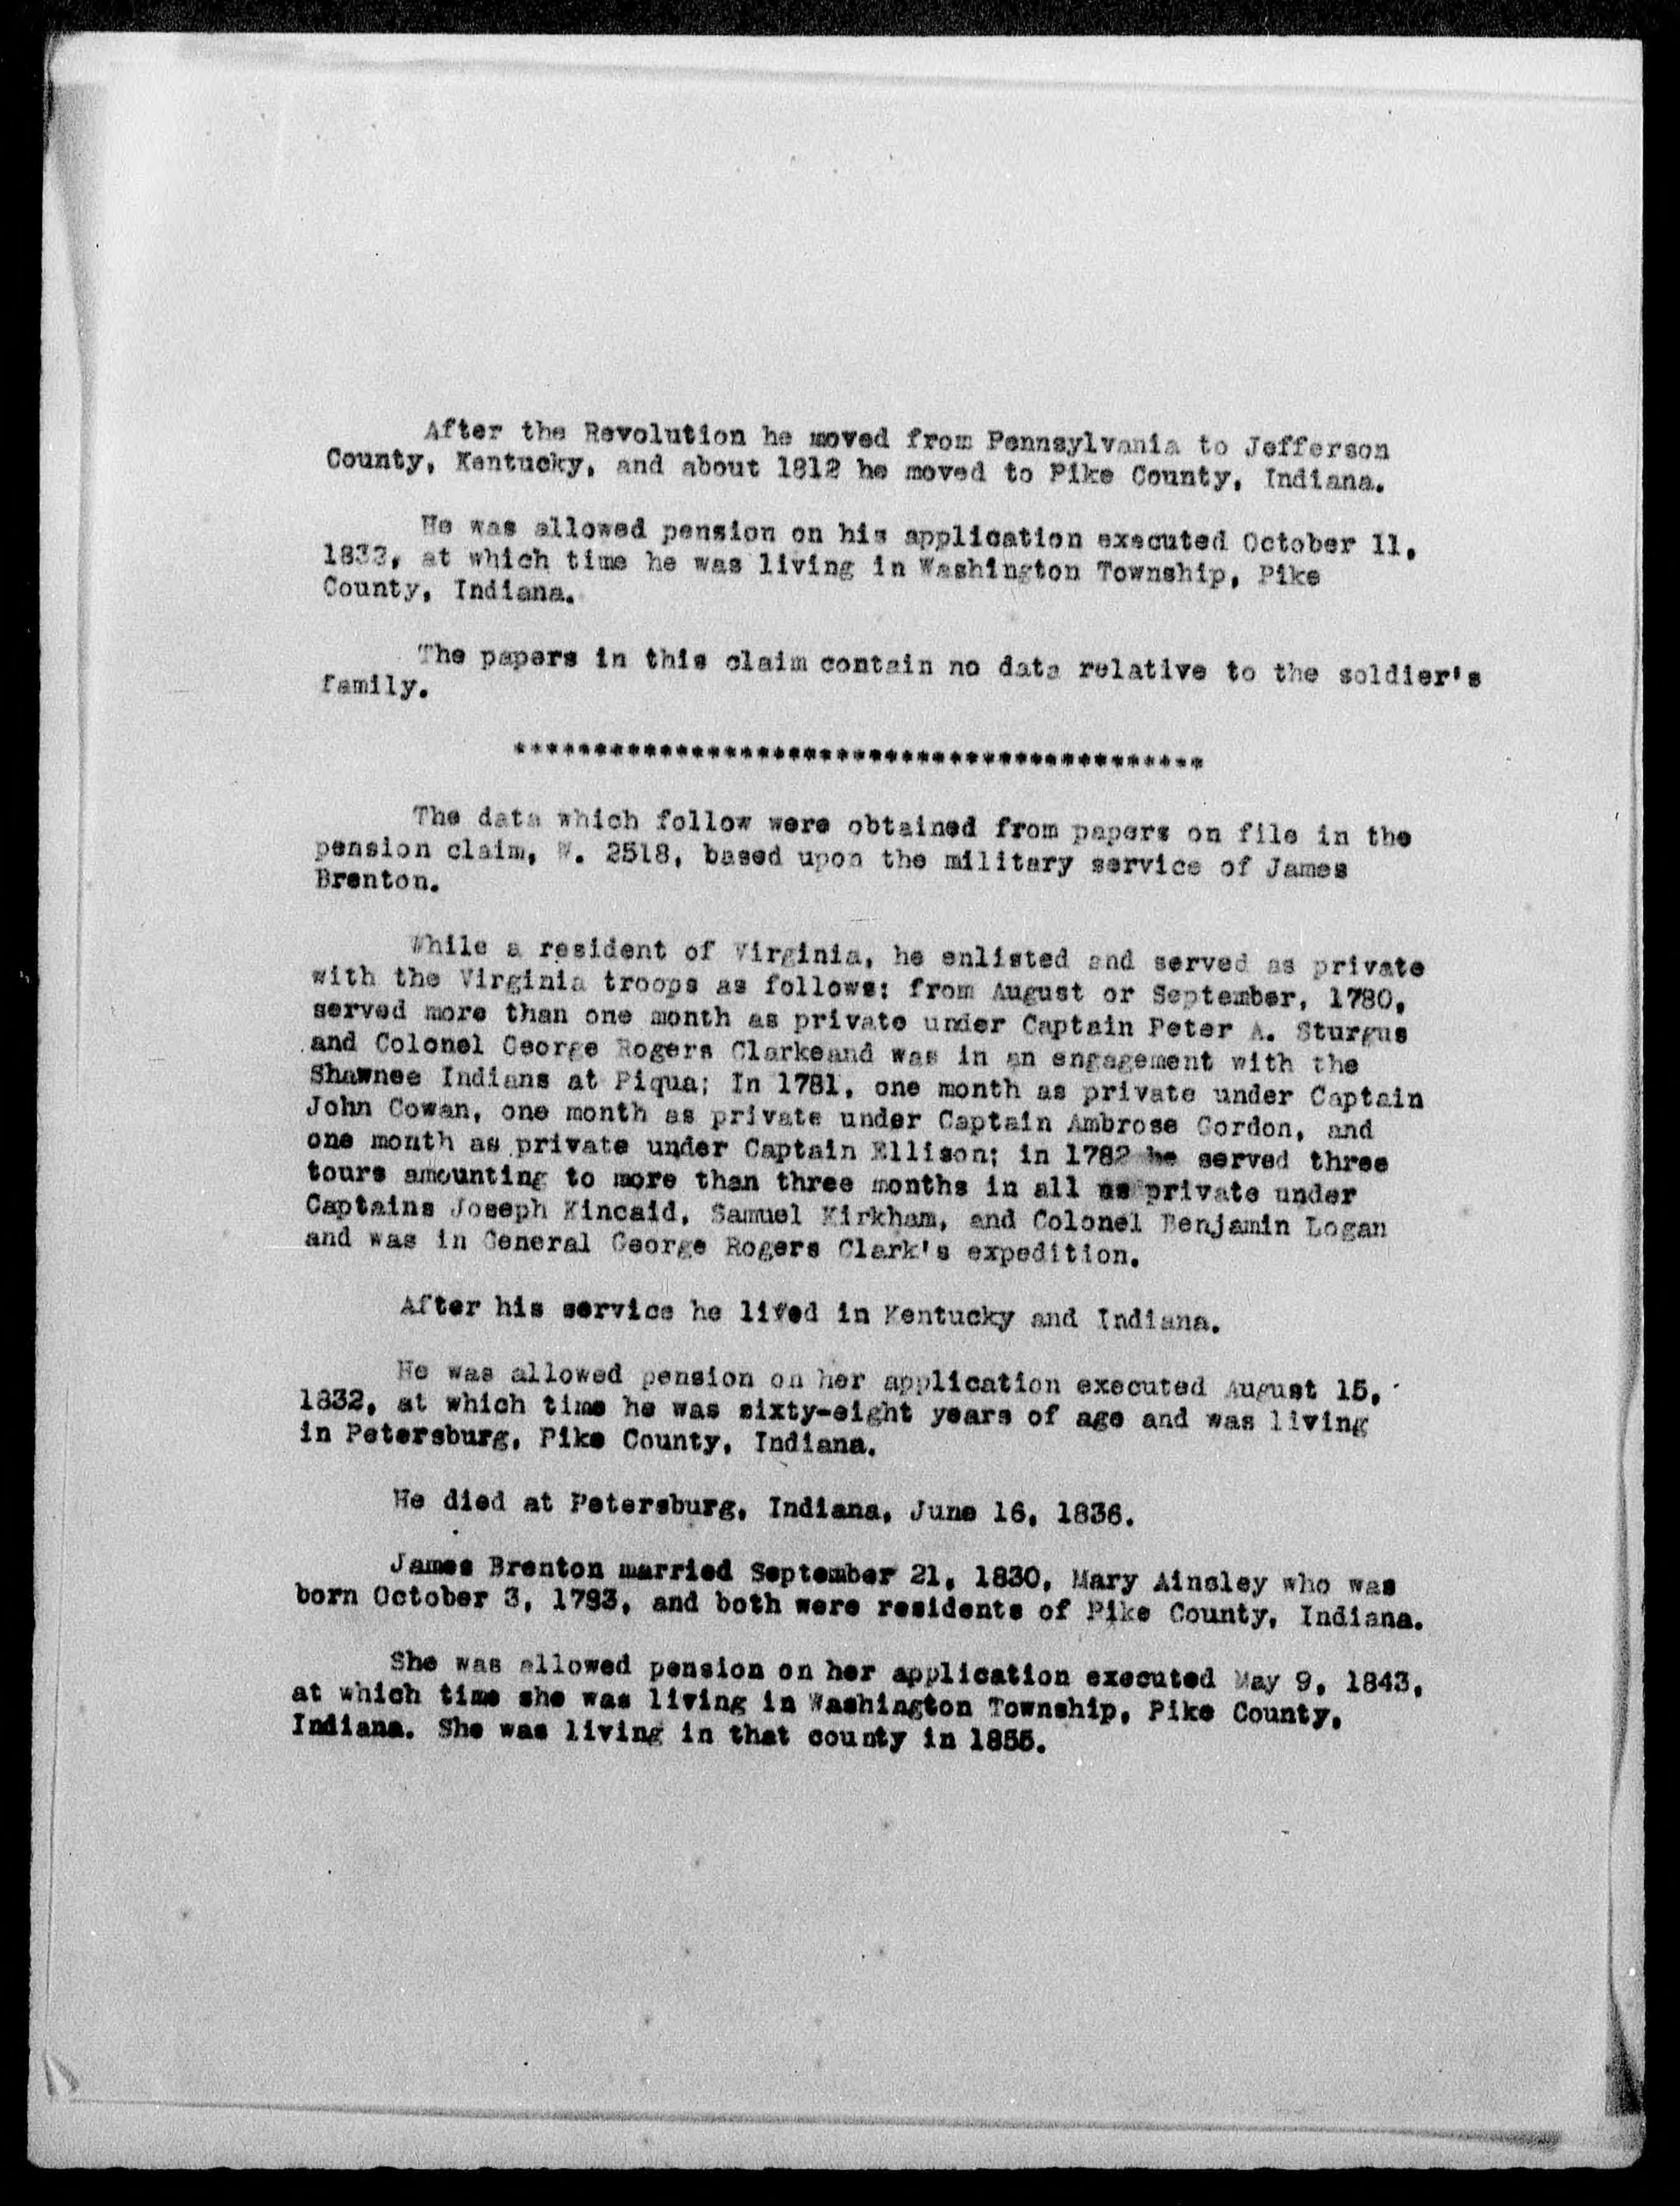After the Revolution he moved from Pennsylvania to Jefferson County, Kentucky, and about 1812 he moved to Pike County, Indiana.
He was allowed pension on his application executed October 11, 1833, at which time he was living in Washington Township, Pike County, Indiana.
The papers in this claim contain no data relative to the soldier's family.
*************************************************
The data which follow were obtained from papers on file in the pension claim, W.2518, based upon the military service of James Brenton.
While a resident of Virginia, he enlisted and served as a private with the Virginia troops as follows: from August or September, 1780, served more than one month as private under Captain Peter A. Sturgus and Colonel George Rogers Clark and was in an engagement with the Shawnee Indians at Piqua; in 1781, one month as private under Captain John Cowan, one month as private under Captain Ambrose Gordon, and one month as private under Captain Ellison; in 1782 he served three tours amounting to more than three months in all as private under Captains Joseph Kincaid, Samuel Kirkham, and Colonel Benjamin Logan and was in General George Rogers Clark's expedition.
After his service he lived in Kentucky and Indiana.
He was allowed pension on her [his??] application executed August 15, 1832, at which time he was sixty-eight years of age and was living in Petersburg, Pike County, Indiana.
He died at Petersburg, Indiana, June 16, 1836.
James Brenton married September 21, 1830, Mary Ainsley who was born October 3, 1793, and both were residents of Pike County, Indiana.
She was allowed pension on her application executed May 9, 1843, at which time she was living in Washington Township, Pike County, Indiana. She was living in that county in 1855.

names: John Cowan, George Rogers Clark, Ambrose Gordon, Joseph Kincaid, James Brenton, Ellison, George Rogers Clarke, Peter A Sturgus, Samuel Kirkham, James Brenton, Mary Ainsley, Benjamin Logan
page: 17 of 49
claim: widow's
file: W. 2518, James Brenton, Va.